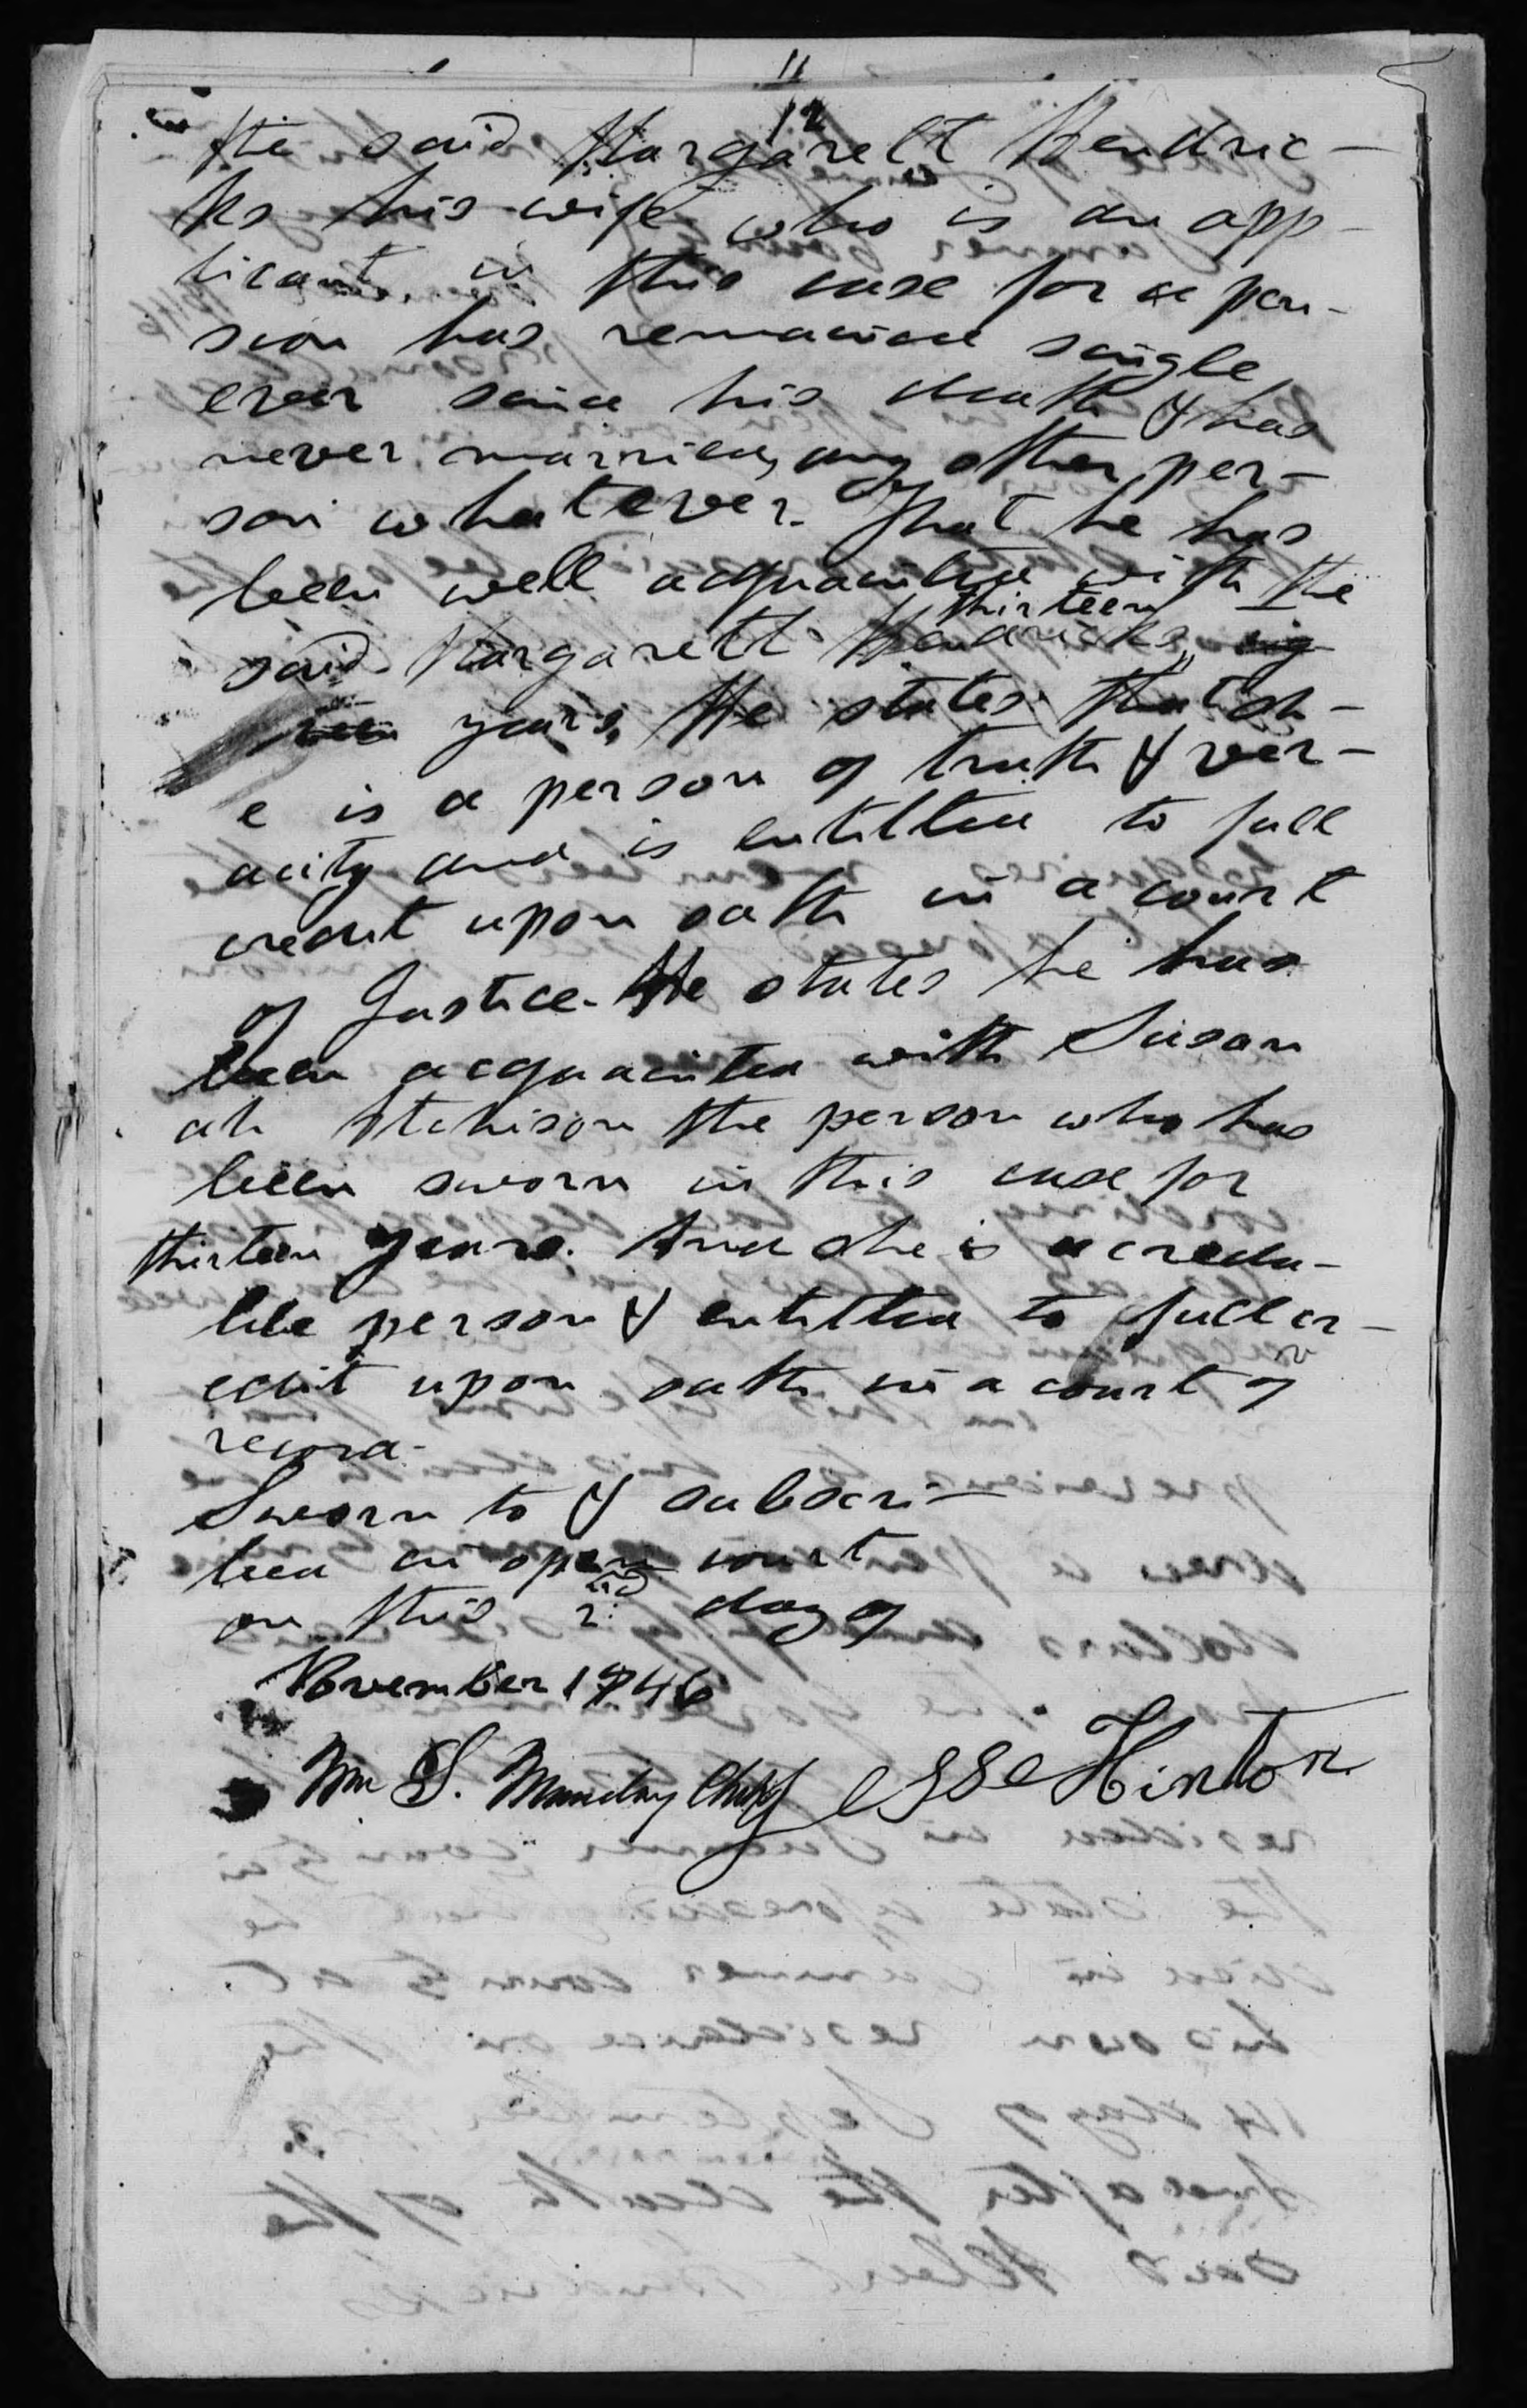the said Margarett Hendricks - his wife who is an applicant in this case for a pension has remained single ever since his death & has never married any other person whatever. That he has been well acquainted with the said Margarett Hendricks thirteen years. He states that she is a person of truth & veracity and is entitled to full credit upon oath in a court of Justice. He states he has been acquainted with Susannah Atcheson the person who has been sworn in this case for thirteen years. And she is a credable person & entitled to full credit upon oath in a court of record.
Jesse Hinton

Sworn to & subscribed in open court on this 2d day of November 1846
Wm S. Munday Clerk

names: Margarett Hendricks, Susanah Atchison, Jesse Hinton, Wm S Munday, Margarett Hendricks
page: 34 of 76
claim: widow's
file: W. 83, Albert Hendricks, Continental Md. N.C.